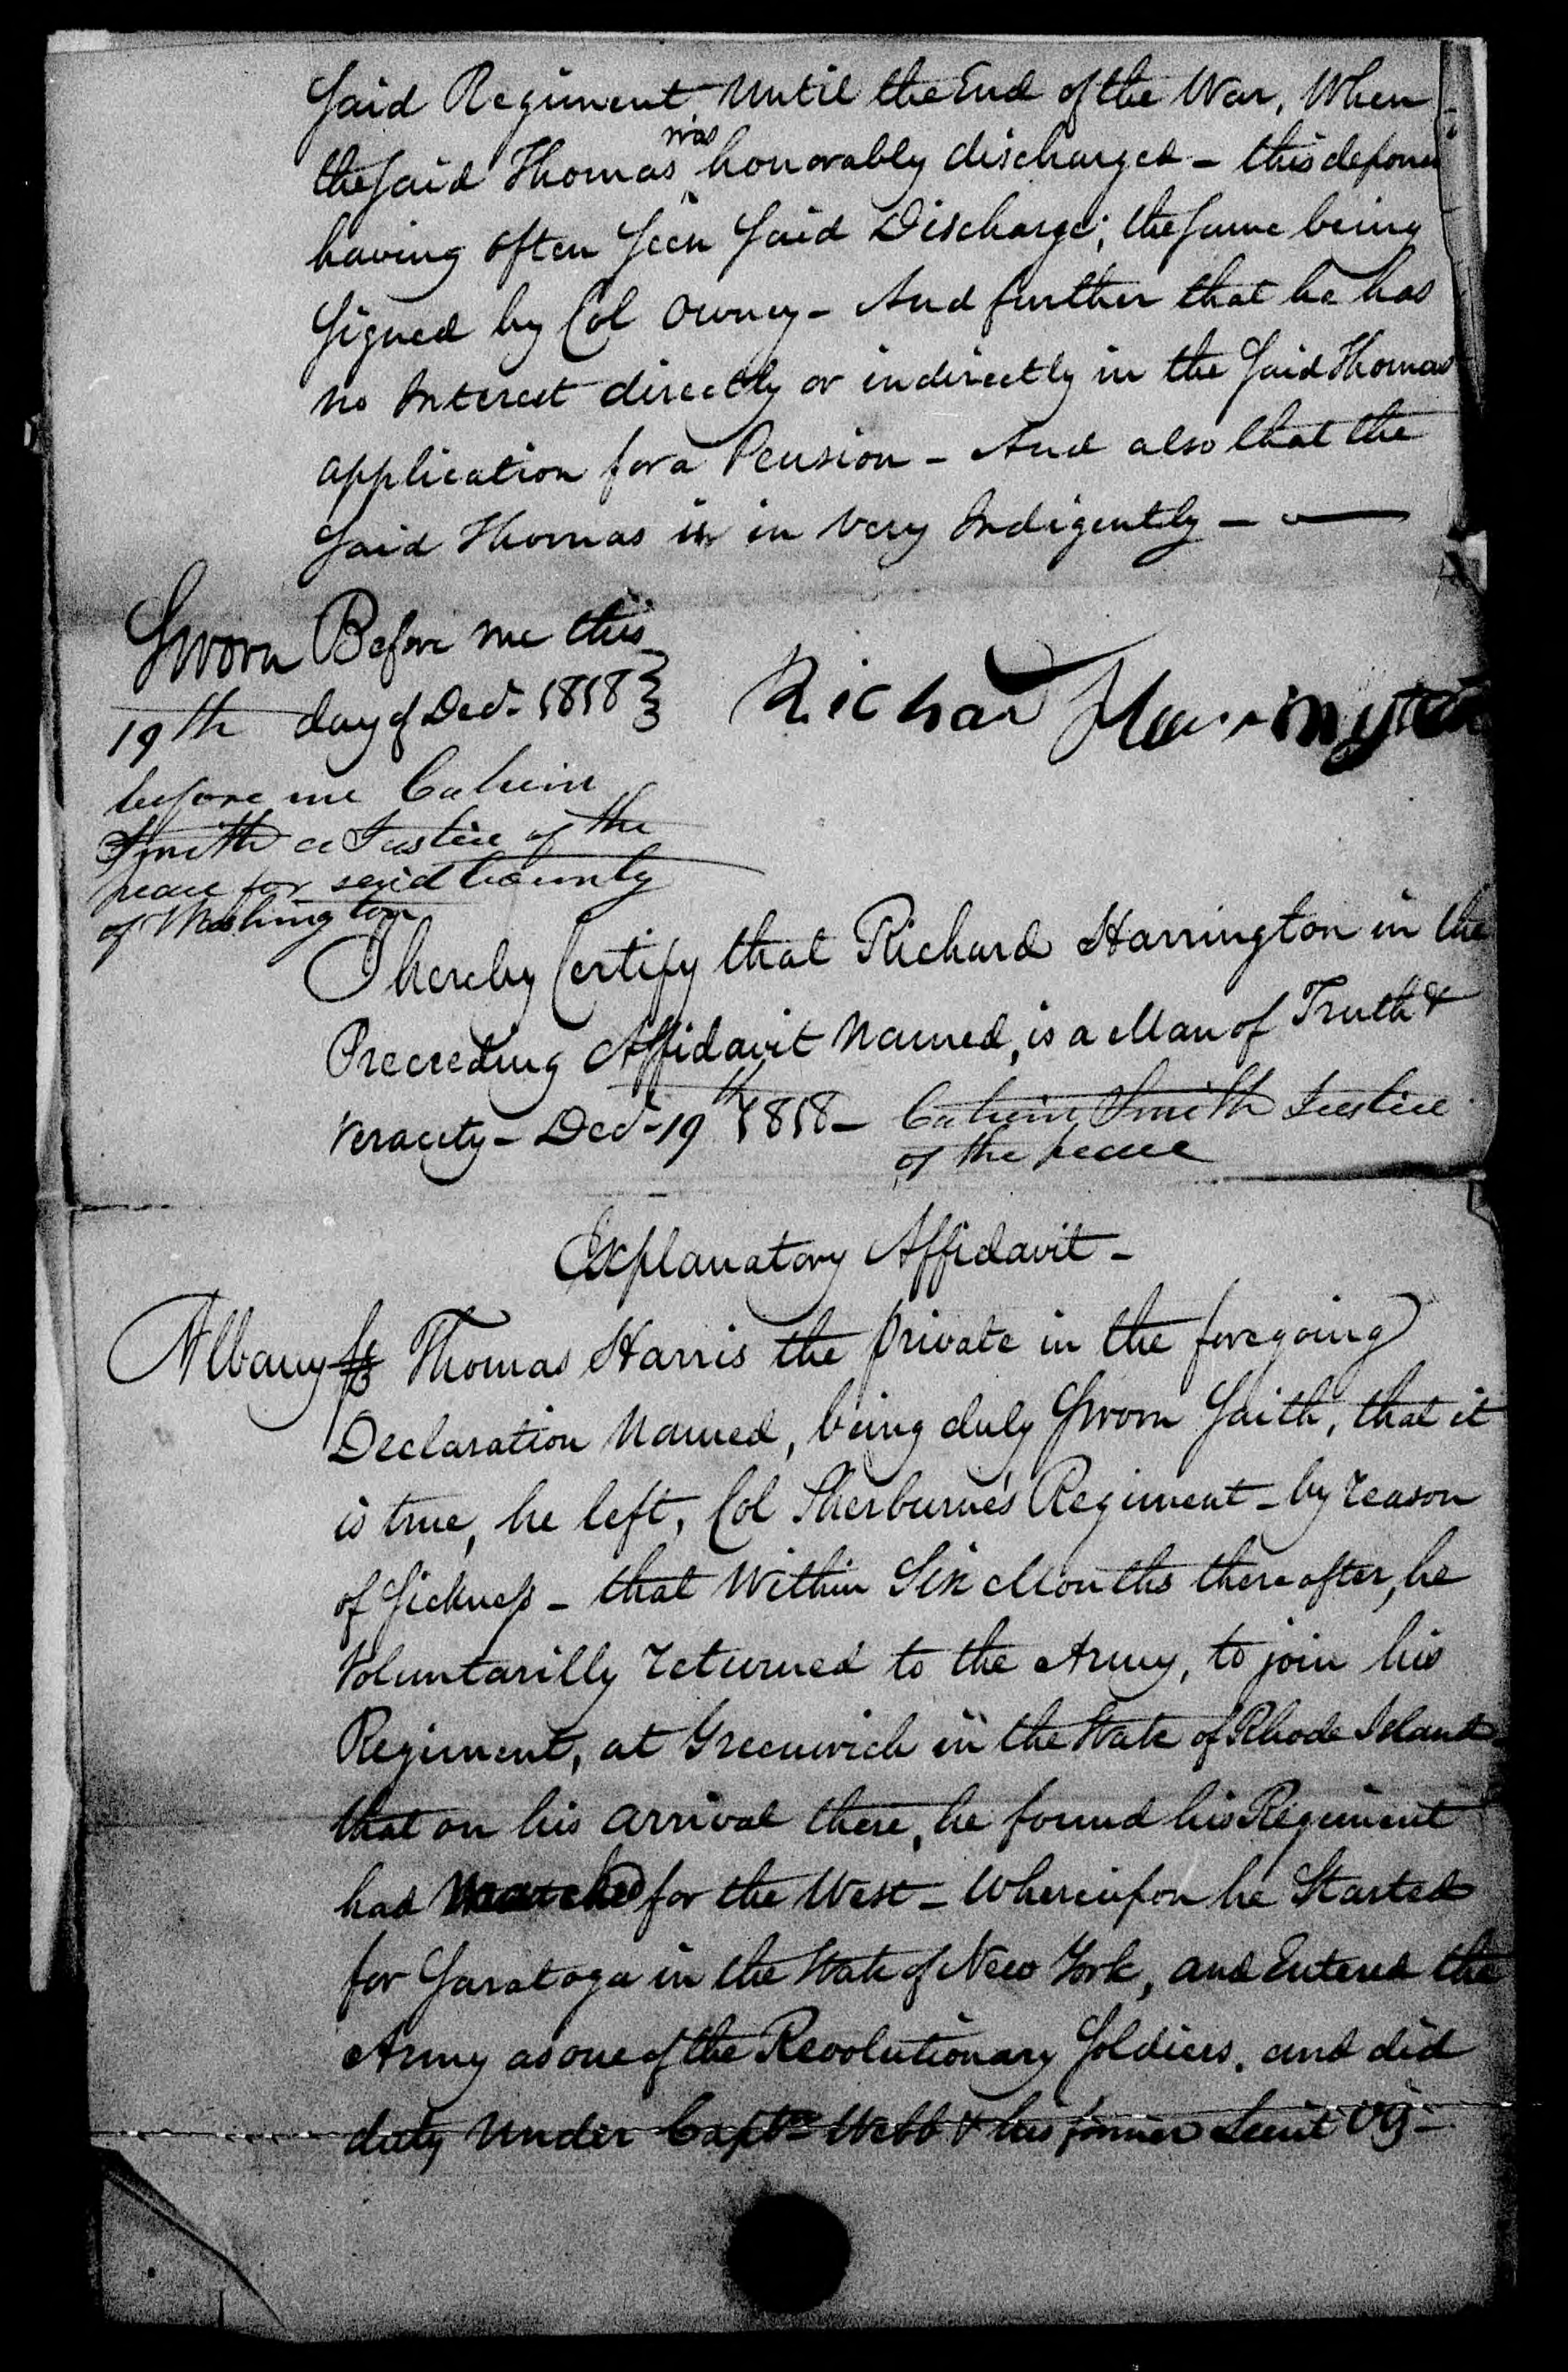said regiment until the end of the war. When the said Thomas was honorably discharged. This deponent having often seen said Discharge; the same being signed by Col. Olney and further that he has no interest directly or indirectly in the said Thomas' application for a Pension. And also that the said Thomas is in very indigently. Richard Harrington. Sworn Before me this 19th day of Decr. 1818/ Before me Calvin Smith a Justice of the Peace for said County of Washington.
I hereby Certify that Richard Harrington in the preceeding affidavit named, is a man of truth & veracity Decr. 19, 1818 Calvin Smith Justice of the Peace.
Explanatory Affidavit. Albany Ss. Thomas Harris the private in the foregoing Declaration named, being duly sworn faith, that it is true he left, Col. Sherburne's Regiment. by reason of sickness that within six months thereafter, he voluntarily returned to the Army to join his Regiment at Greenwich in the State of Rhode Island. That on his arrival there, he found his Regiment had marched for the West. Whereupon he Started for Saratoga in the State of New York and entered the army as one of the Revolutionary soldiers, and did duty under Captn Webb & his former Lieut. [illegible]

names: Richard Harrington, Thomas, Calvin Smith, Thomas, Webb, Thomas Harris, Richard Harrington, Calvin Smith, Thomas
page: 15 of 16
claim: survivor's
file: S. 38815, Thomas Harris, R.I.